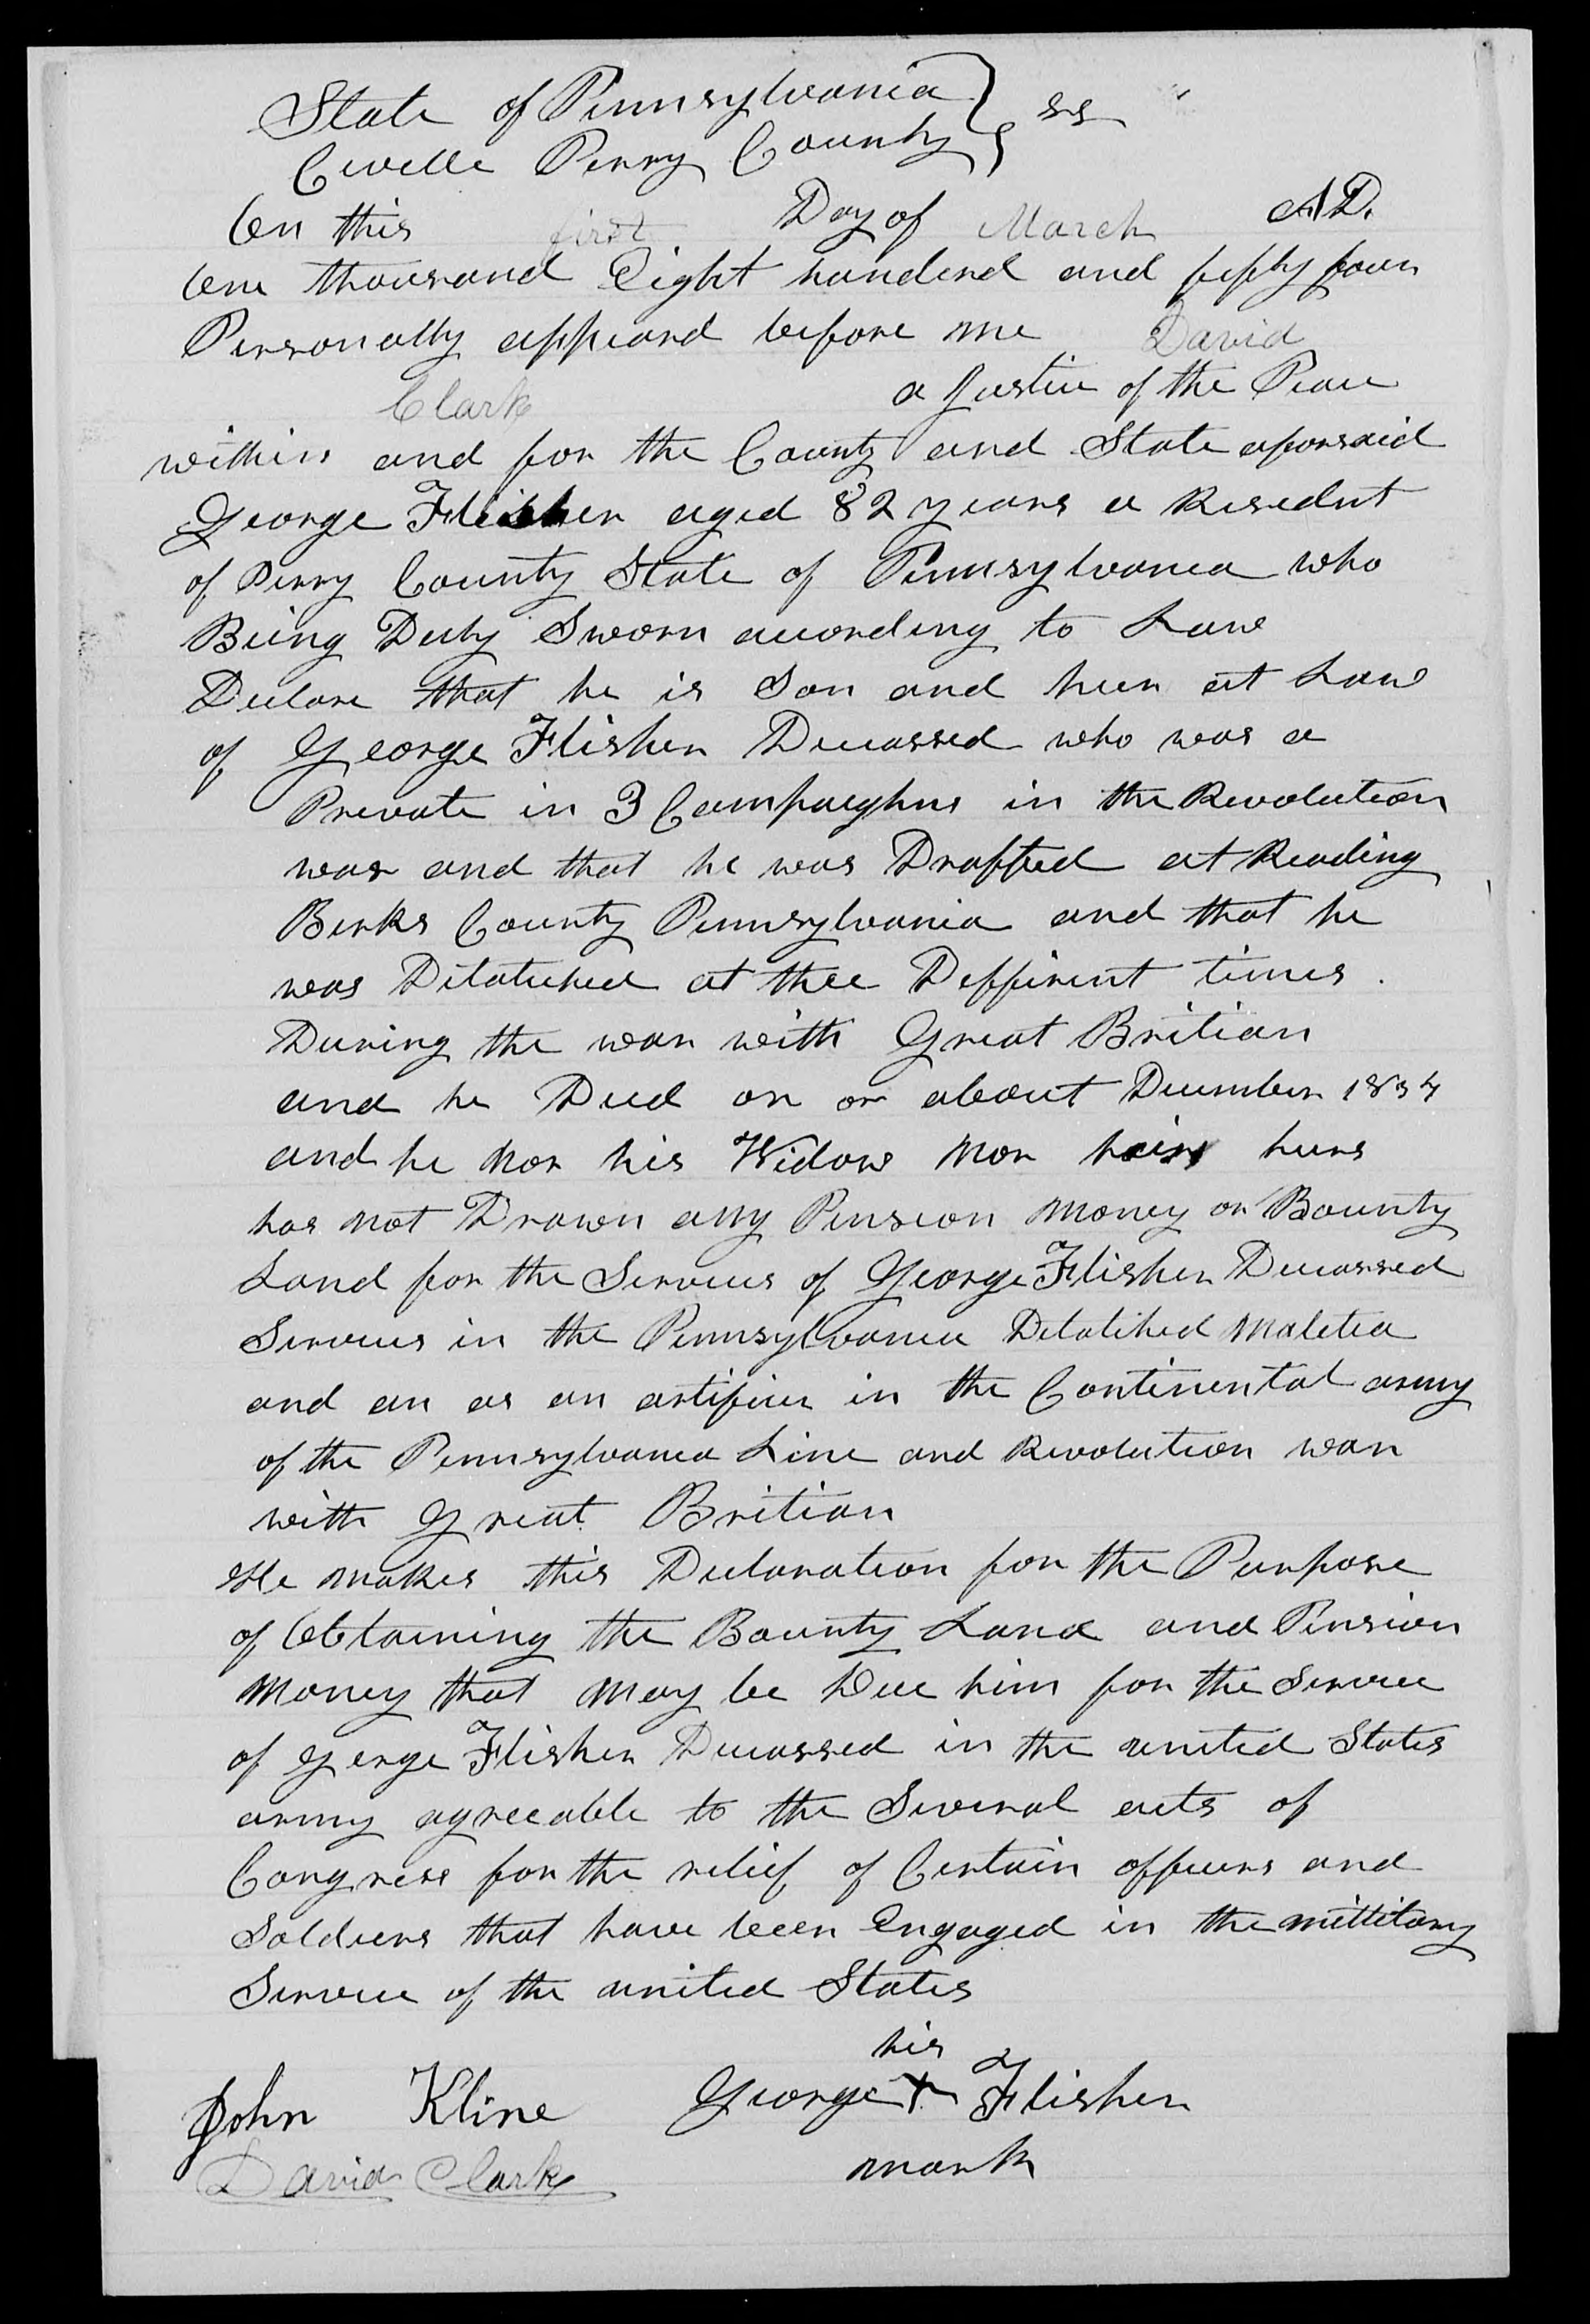State of Pennsylvania
Civelle Perry County} ss

    On this first day of March A.D. one thousand eight hundred and fifty four personally appeared before me David Clark a Justice of the Peace within and for the County and state aforesaid George Flisher aged 82 years a resident of Perry County State of Pennsylvania who being duly sworn according to law declare that he is son and heir at law of George Flisher Druassed who was a private in 3 companies is the Revolution was and that he was drafted at Reading Burks County Pennsylvania and that he was detached at three different times during the war with Great Britian and he died on or about December 1834 and he (??) his widow now heir (??) has not drawn any pension money of bounty land for the services of George Flisher Druassed service in the Pennsylvania Detached Militia and as an artillery in the Continental Army of the Pennsylvania Line and Revolutionary War with Great Britian.
    He makes this declaration for the purpose of obtaining the bounty land and pension money that may be due him for the service of George Flisher Durasses in the United States Army agreeable to the several acts of Congress for the relief of certain officers and soldiers that have been engaged in the military service of the United States.
                                                his 
                                    George  X  Flisher
                                                name
//s//
John Kline
//s//
David Clark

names: Gerge Flisher, George Flisher, George Flisher, George Flisher, David Clark, George Flisher, David Clark, John Kline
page: 3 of 7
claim: rejected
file: R. 3,567, Flisher George, Penn.